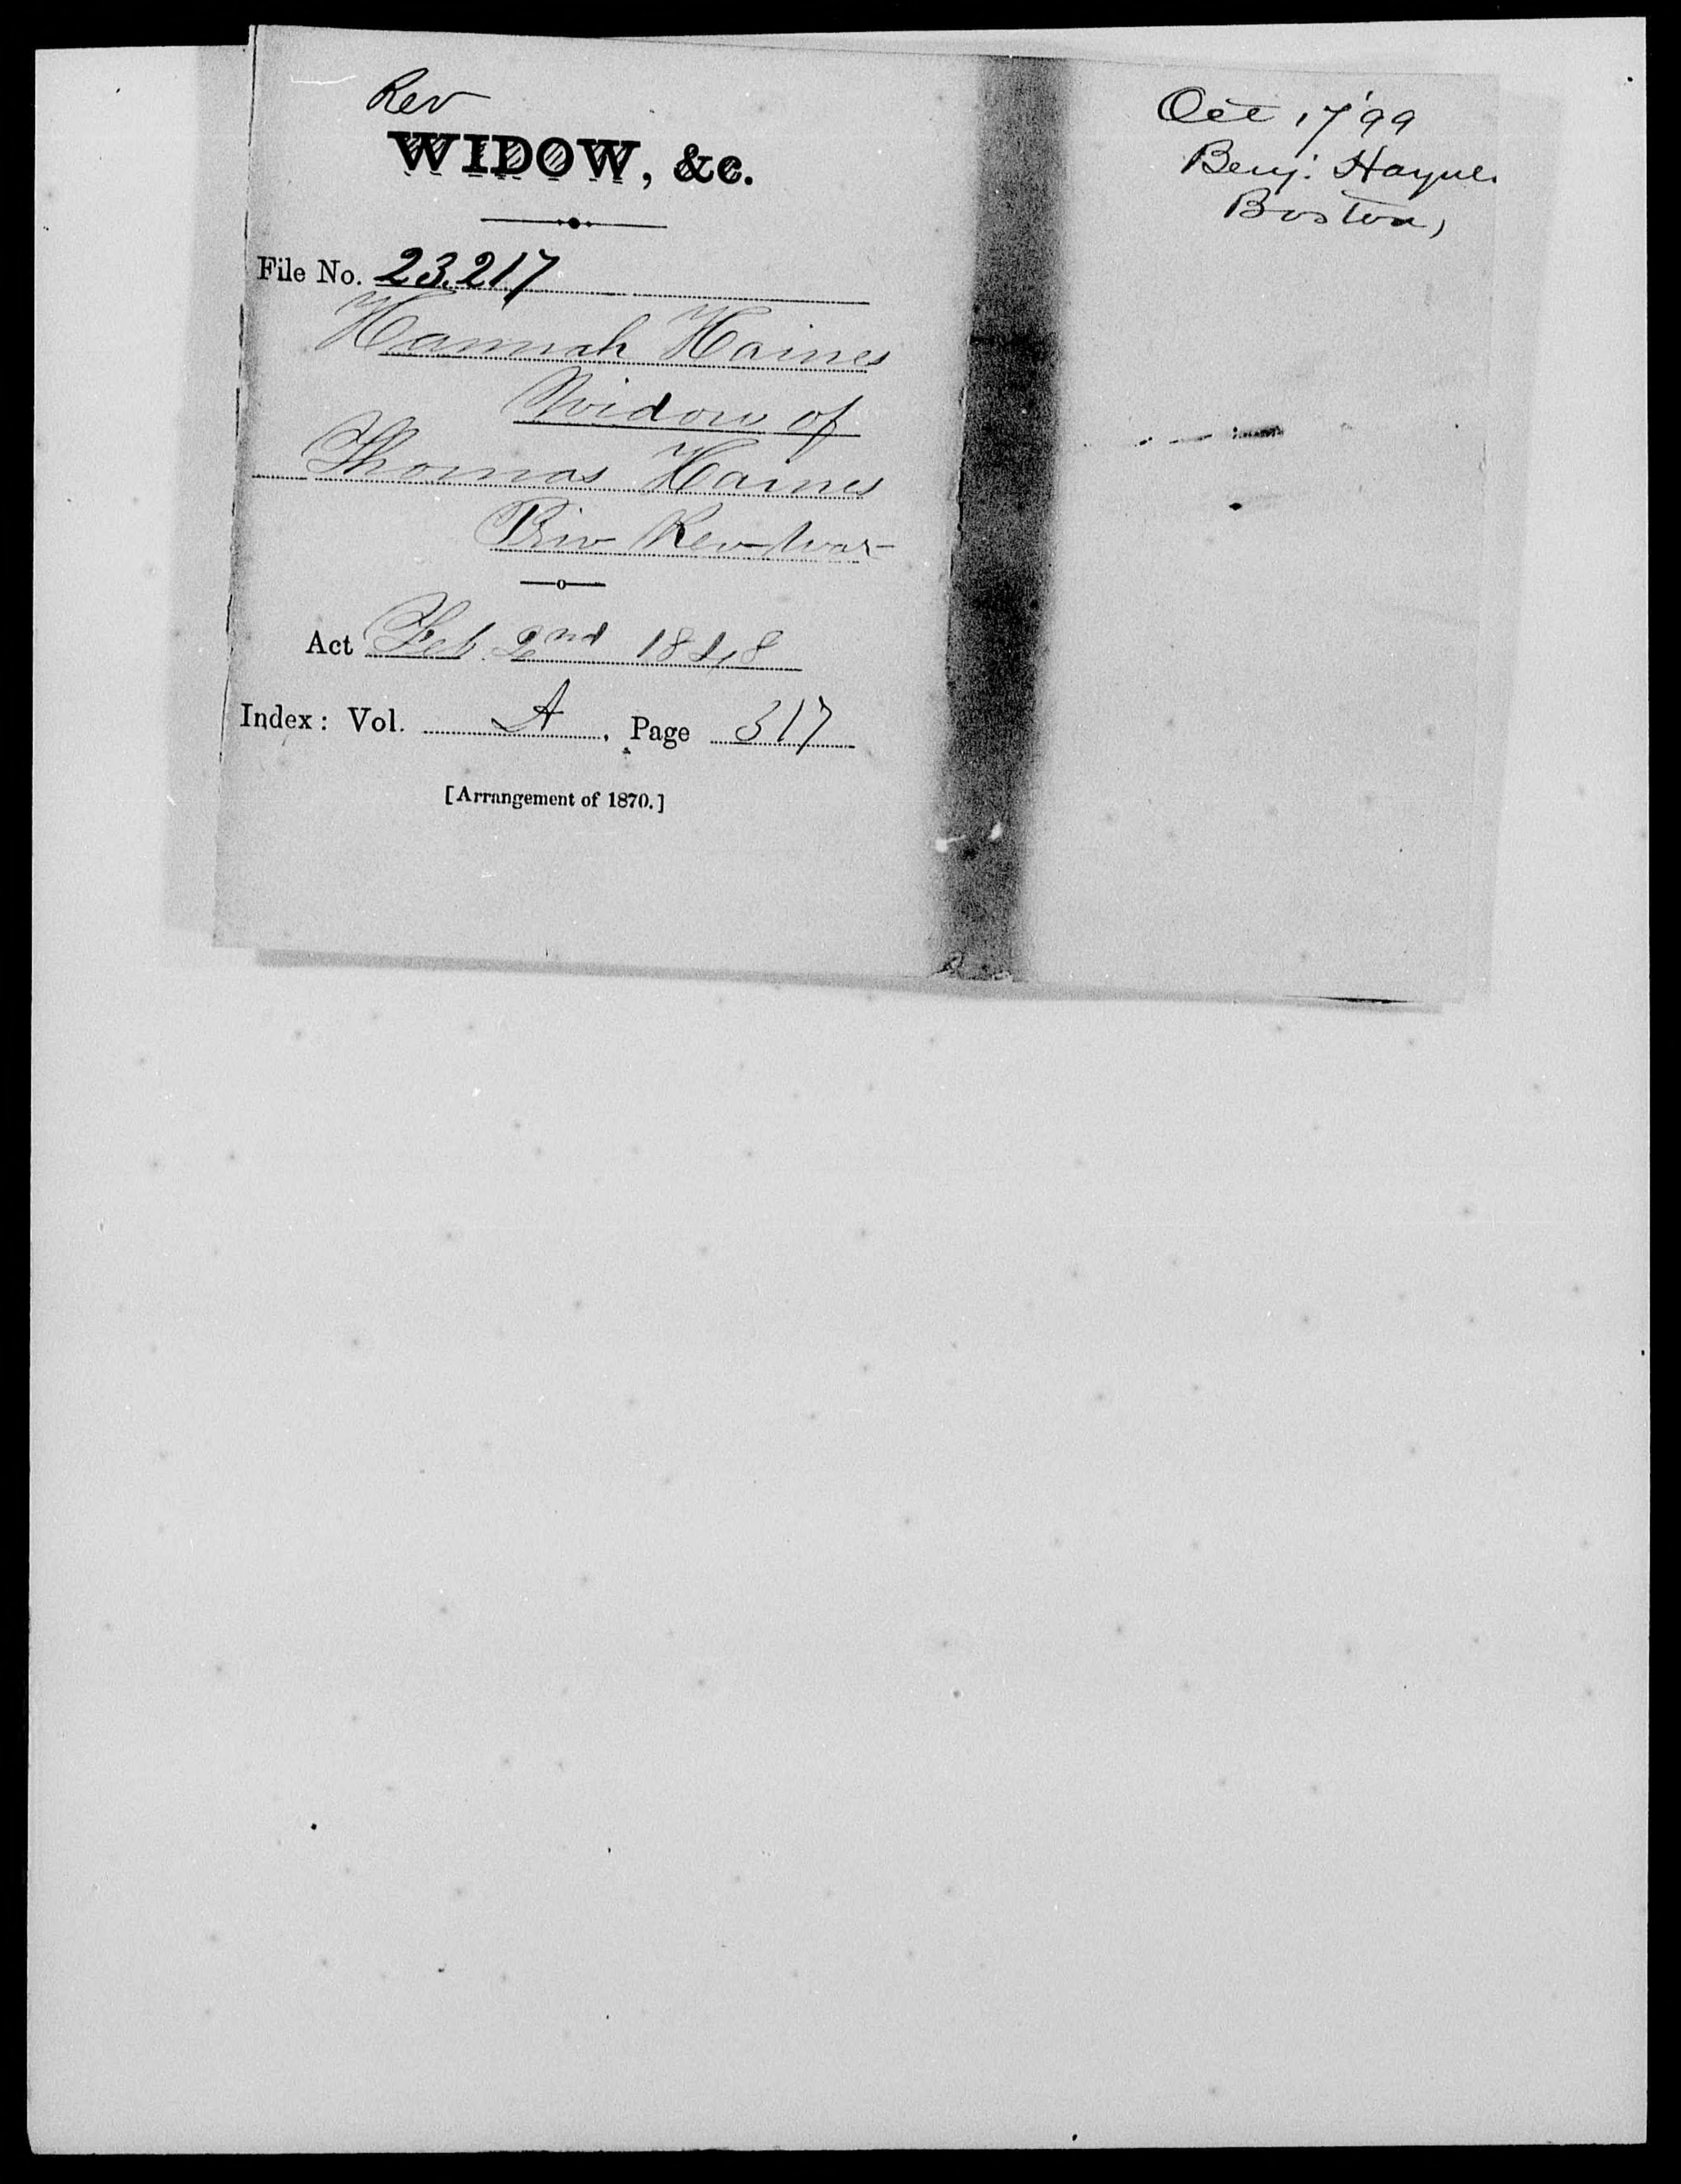Rev
WIDOW, &c. 
File No.23.217
Hannah Haines
Widow of
Thomas Haines
Priv[ate] Rev[volutionary] War-
Act Feb 2nd 1848
Index: Vol A,Page 317
(Arrangement of 1870.)

[Right side of page]
Oct 17 ‘99
Benj. Haynes
Boston,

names: Benj Haynes, Thomas Haines, Hannah Haines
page: 24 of 57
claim: widow's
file: W. 23217, Thomas Haines, N H